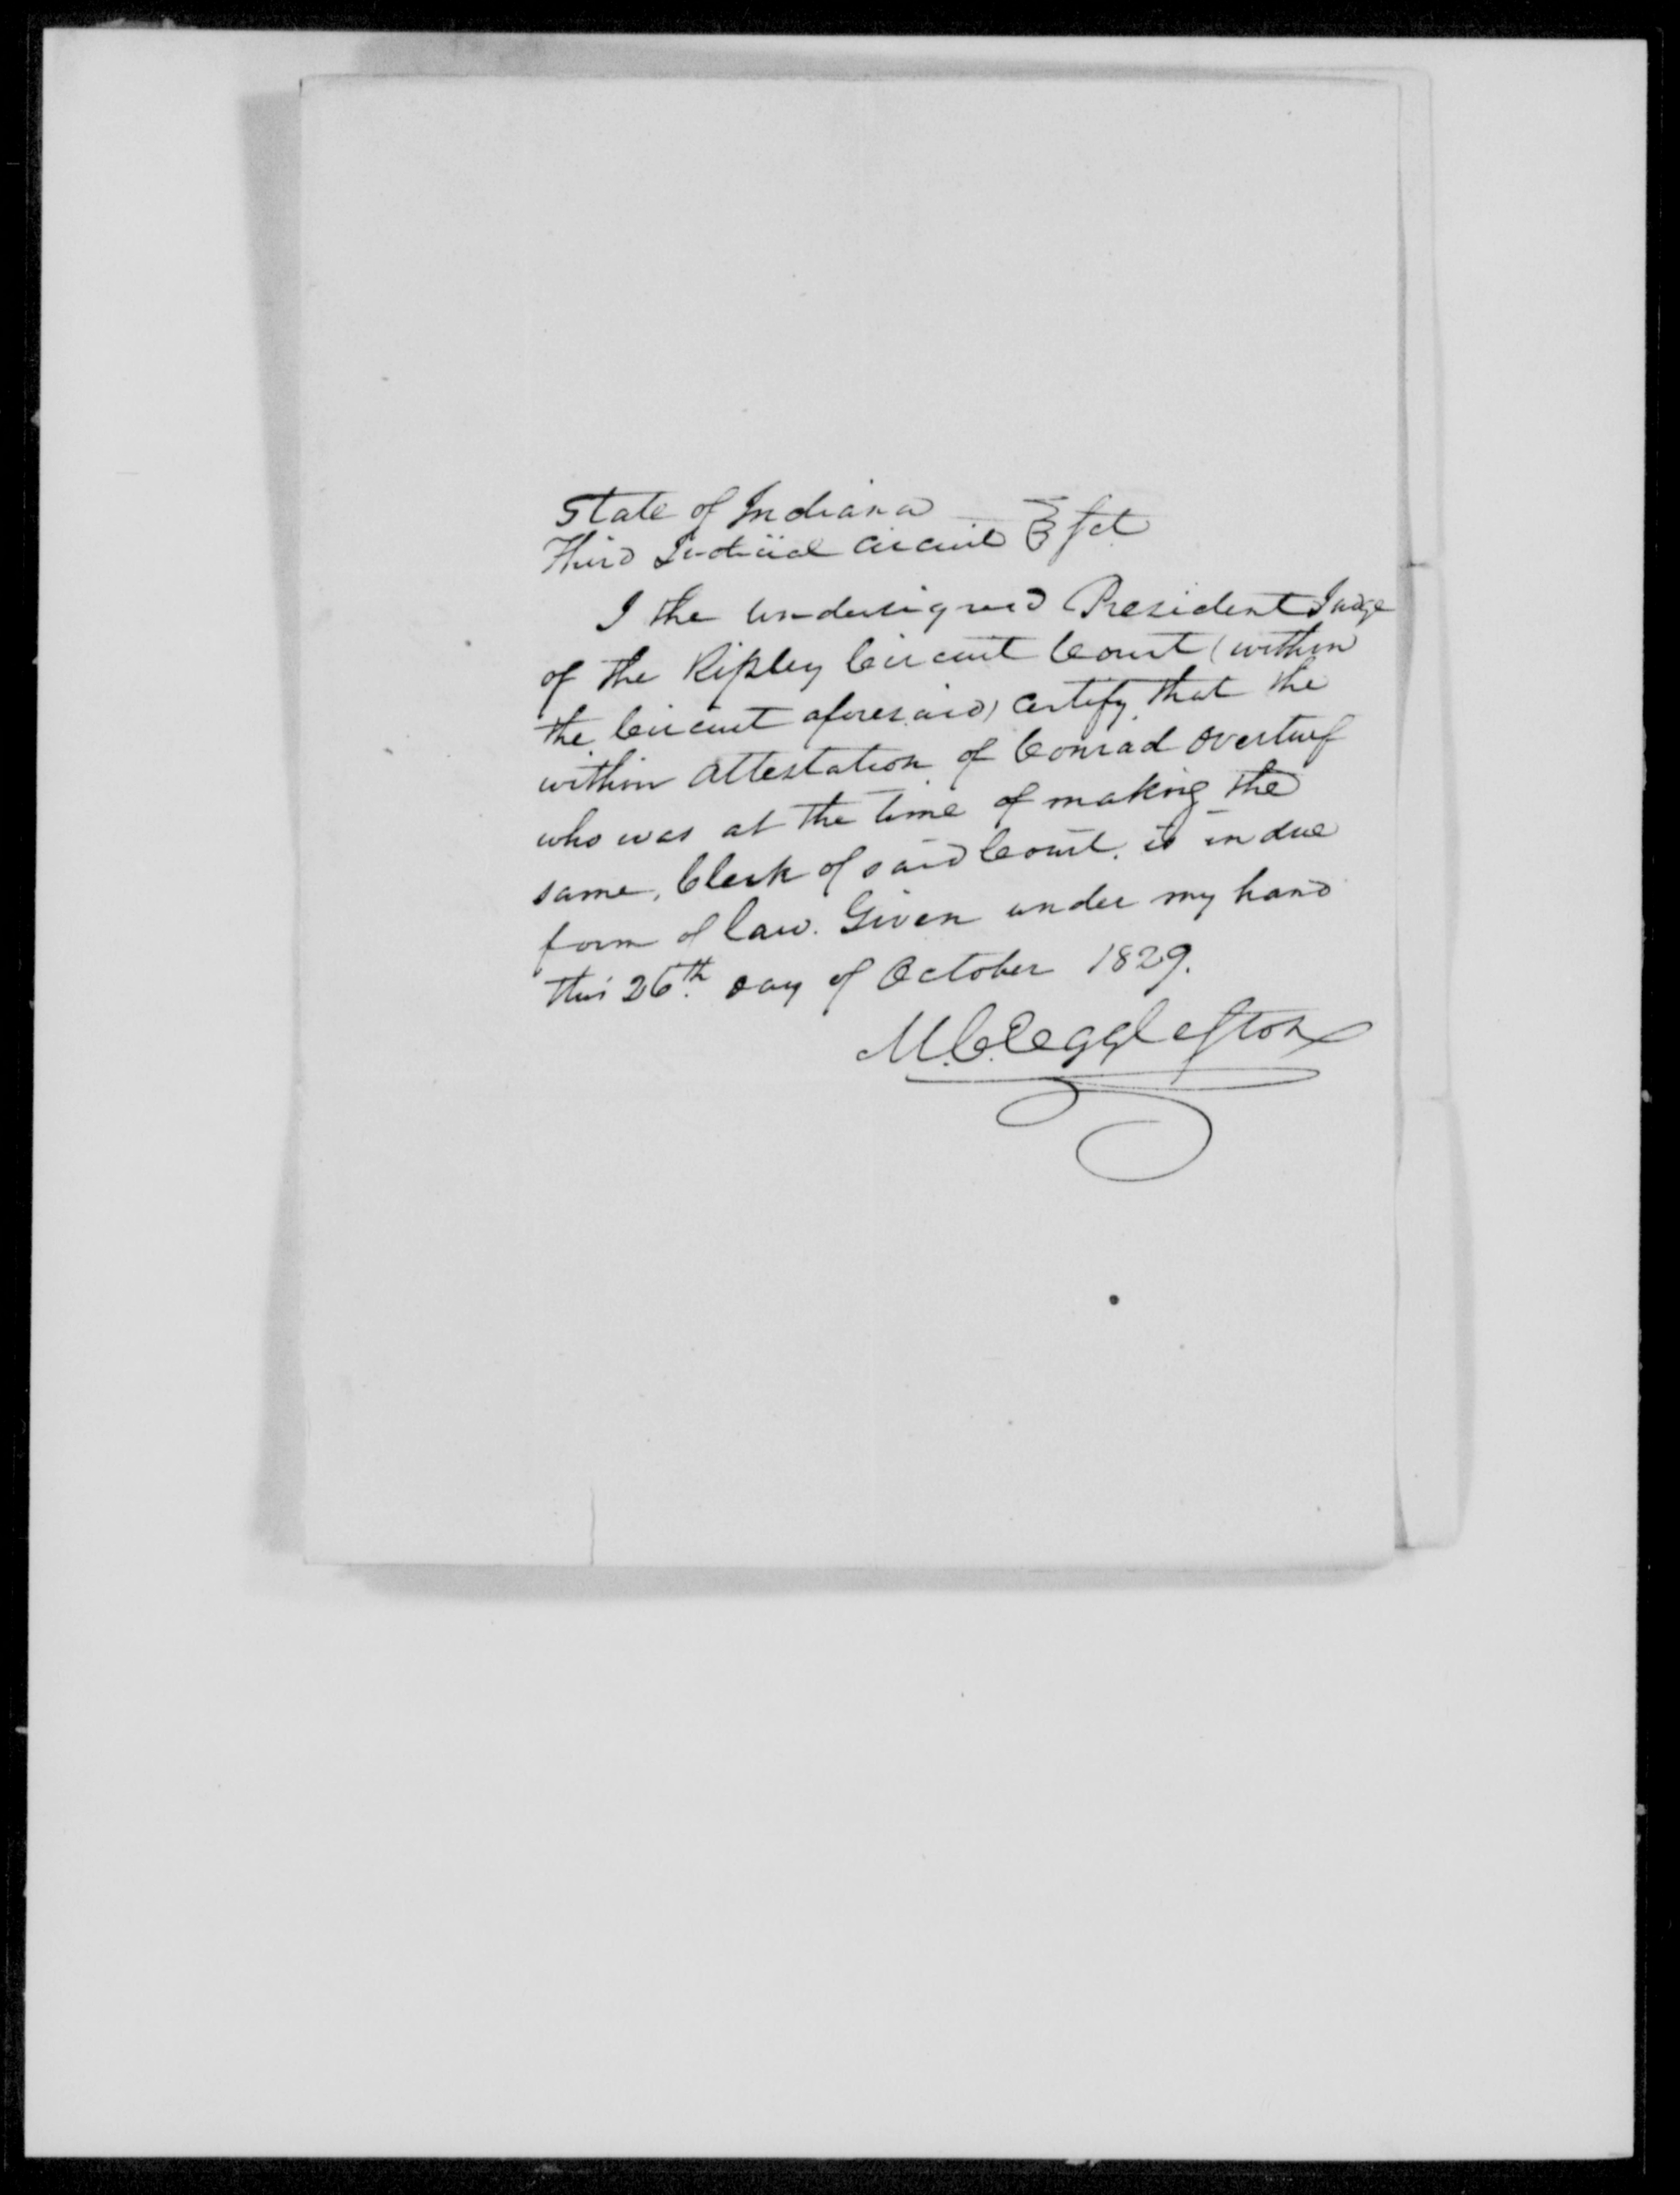State of Indiana)
Third Judicial Circuit) Sct
I the undersigned Resident Judge
of the Ripley Circuit Court within
the Circuit aforesaid, certify that the
within attestation of Conrad Overturf
who was at the time of making the same, 
Clerk of said Court is in due
form of law. Given under my hand
this 26th day of October 1829
M.C. Eggleston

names: M C Eggleston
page: 48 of 51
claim: rejected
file: R. 10,921, William Vawter, Va.